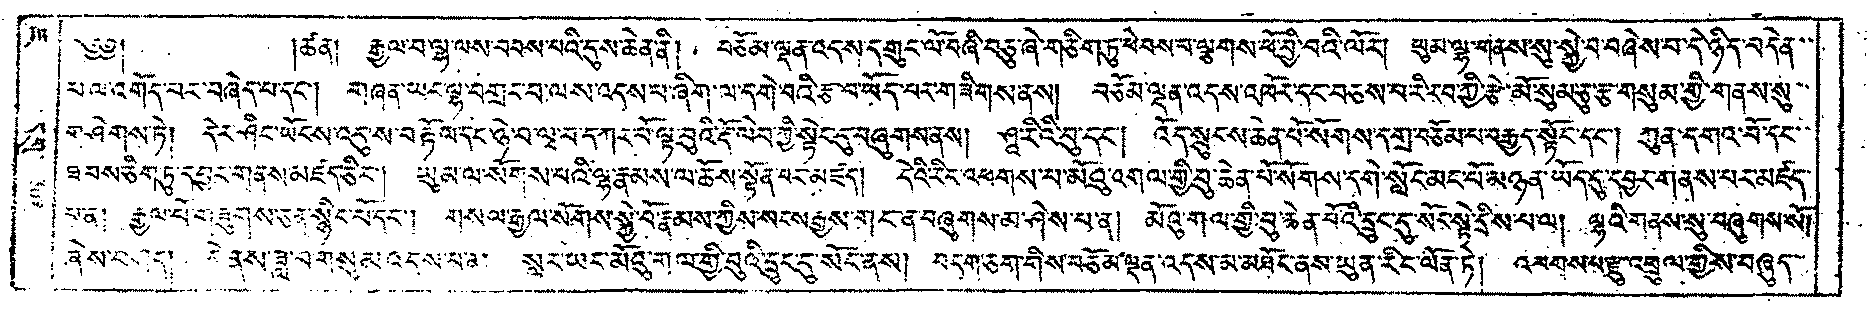༄༅། །ཚན། །རྒྱལ་བ་ལྷ་ལས་བབས་པའི་དུས་ཆེན་ནི། བཅོམ་ལྡན་འདས་དགུང་ལོ་བཞི་བཅུ་ཞེ་གཅིག་ཏུ་ཕེབས་པ་ལྕགས་ཕོ་བྱི་བའི་ལོར། ཡུམ་ལྷ་གནས་སུ་སྐྱེ་བ་བཞེས་པ་དེ་ཉིད་བདེན་
པ་ལ་འགོད་པར་བཞེད་པ་དང་། གཞན་ཡང་ལྷ་བགྲང་བ་ལས་འདས་པ་ཞིག་ལ་དགེ་བའི་རྩ་བ་ཡོད་པར་གཟིགས་ནས། བཅོམ་ལྡན་འདས་འཁོར་དང་བཅས་པ་རི་རབ་ཀྱི་རྩེ་མོ་སུམ་ཅུ་རྩ་གསུམ་གྱི་གནས་སུ་
གཤེགས་ཏེ། དེར་ཤིང་ཡོངས་འདུ་ས་བརྟོལ་དང་ཉེ་བ་ལྭ་བ་དཀར་པོ་ལྟ་བུའི་རྡོ་ལེབ་ཀྱི་སྟེང་དུ་བཞུགས་ནས། ཤཱ་རིའི་བུ་དང་། འོད་སྲུངས་ཆེན་པོ་སོགས་དགྲ་བཅོམ་པ་བརྒྱད་སྟོང་དང་། ཀུན་དགའ་བོ་དང་
ཐབས་ཅིག་ཏུ་དབྱར་གནས་མཛད་ཅིང་། ཡུམ་ལ་སོགས་པའི་ལྷ་རྣམས་ལ་ཆོས་སྟོན་པར་མཛད། དེའི་རིང་འཕགས་པ་མོའུ་འགལ་གྱི་བུ་ཆེན་པོ་སོགས་དགེ་སློང་མང་པོ་མཉན་ཡོད་དུ་དབྱར་གནས་པར་མཛད་
པ་ན། རྒྱལ་པོ་གཟུགས་ཅན་སྙིང་པོ་དང་། གསལ་རྒྱལ་སོགས་སྐྱེ་བོ་རྣམས་ཀྱིས་སངས་རྒྱས་གང་ན་བཞུགས་མ་ཤེས་པ་ན། མོའུ་གལ་གྱི་བུ་ཆེན་པོའི་དྲུང་དུ་སོང་སྟེ་དྲིས་པ་ལ། ལྷའི་གནས་སུ་བཞུགས་སོ།
ཞེས་བཤད། དེ་ནས་ཟླ་བ་གསུམ་འདས་པ་ན། སླར་ཡང་མོའུ་གལ་གྱི་བུའི་དྲུང་དུ་སོང་ནས། བདག་ཅག་གིས་བཅོམ་ལྡན་འདས་མ་མཐོང་ནས་ཡུན་རིང་ལོན་ཏེ། འཕགས་པ་རྫུ་འཕྲུལ་གྱིས་བཞུད་